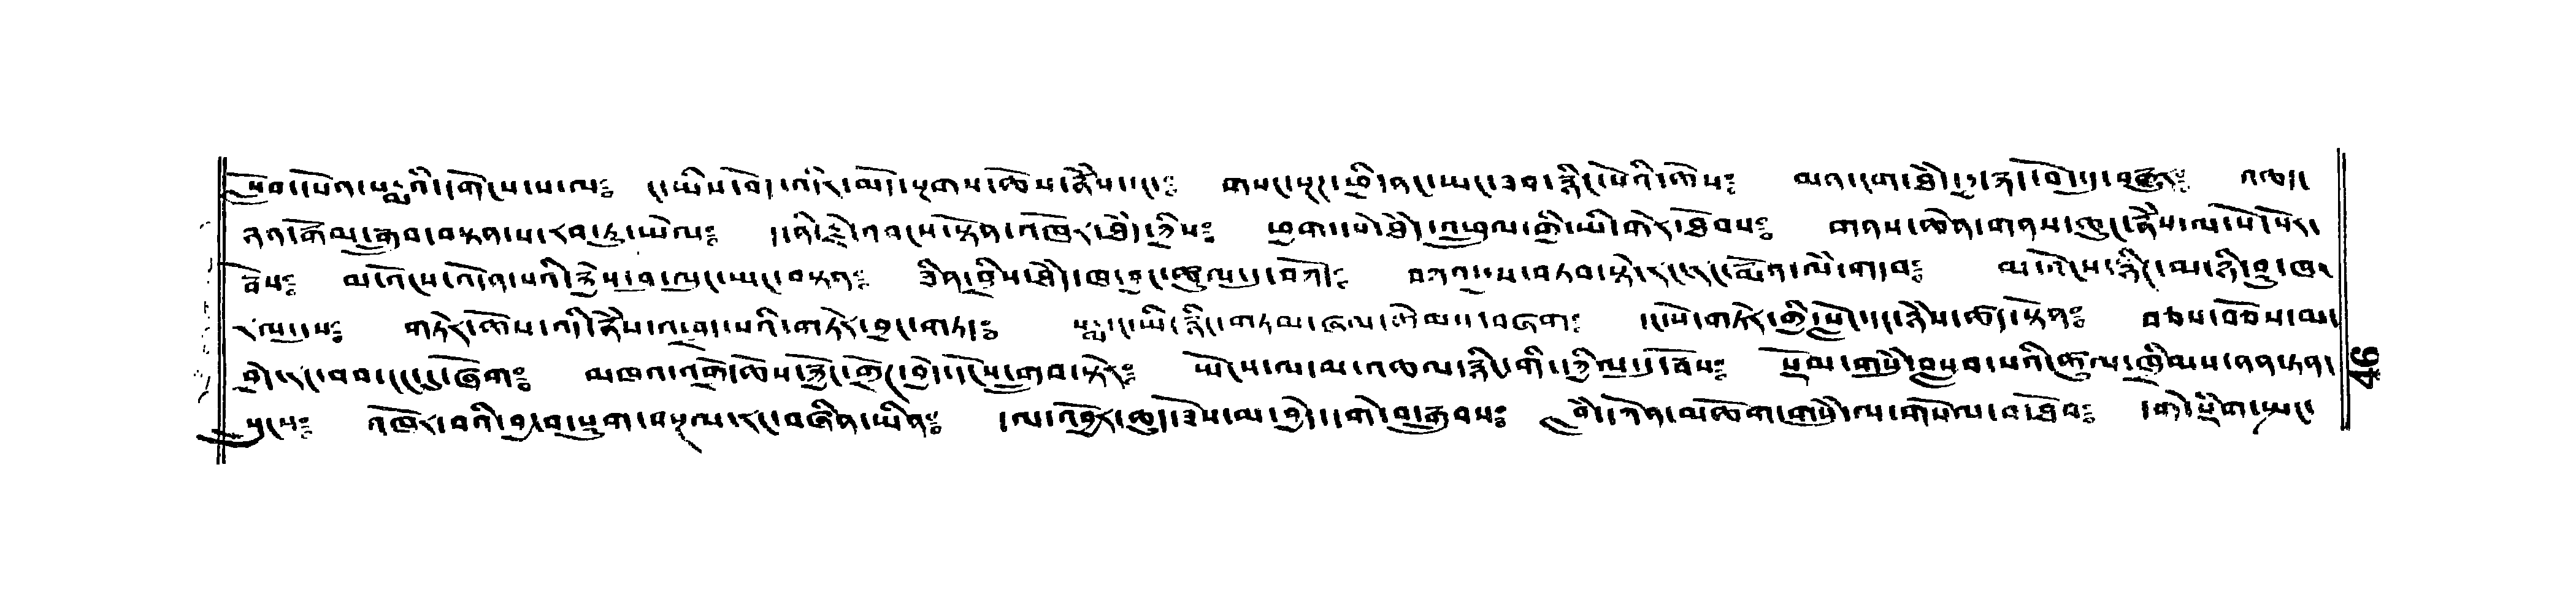སློབ་དཔོན་པདྨའི་དགོངས་པ་ལ༔ ང་ཡིས་བོད་འདིར་མདོ་སྔགས་ཆོས་རྣམས་དང༔ གསང་སྔགས་ཕྱི་ནང་ཡང་ཟབ་སྙིང་པོའི་ཆོས༔ མན་ངག་ཐམས་ཅད་རྒྱ་སྐད་བོད་དུ་བསྒྱུར༔ འཆད་
ཉན་སྒོམ་སྒྲུབ་བསྟན་པ་རབ་ཏུ་སྤེལ༔ ད་ནི་རྗེ་འབངས་སྟོན་འཁོར་ཐམས་ཅད་ཀྱིས༔ ཕྱག་དཔེ་ཐམས་ཅད་འཕྲུལ་གྱི་ཡི་གེར་ཐོབ༔ གནས་ཆེན་གནས་ཆུང་རྣམས་ལ་སོ་སོར་
སྦོས༔ མ་འོངས་འདོན་པའི་སྐྱེས་བུ་ལུང་ཡང་བསྟན༔ ཟིན་བྲིས་ཐམས་ཅད་ཁ་བྱང་ཚུལ་དུ་བཀོད༔ བཀའ་རྒྱས་བཏབ་སྟེ་རང་རང་སྨོན་ལམ་གདབ༔ མ་འོངས་སྙིགས་མ་ཉི་ཤུ་ཁ་
རལ་དུས༔ གཏེར་ཆོས་འདི་རྣམས་འཕྲད་པའི་གཏེར་བྱང་གཏད༔ པདྨ་ང་ཡི་སྙིང་གཏམ་ཞལ་ཆེམས་བཞག༔ དང་པོ་གཏེར་གྱིས་སློངས་དང་ཉམས་ཚད་སྟོན༔ བཅས་བཅོས་མ་
བྱེད་རང་བབ་ངང་དུ་ཞོག༔ མཁའ་འགྲོ་ཆོས་སྐྱོང་གྲོགས་བྱེད་དངོས་གྲུབ་སྟེར༔ ཡོངས་ལ་མ་འཆལ་སྙིང་གི་དཀྱིལ་དུ་སྦོས༔ སྡོམ་གསུམ་བསླབ་པའི་ཚུལ་ཁྲིམས་ནན་ཏན་
སྲུངས༔ འཁོར་བའི་བྱ་བ་སྡུག་བསྔལ་རང་བཞིན་ཡིན༔ དལ་འབྱོར་ཆུད་ཟོས་མ་བྱེད་དགེ་བ་སྒྲུབས༔ བླ་མ་དཀོན་མཆོག་གསུམ་ལ་གསོལ་བ་ཐོབ༔ དགེ་སྡིག་སྤང་